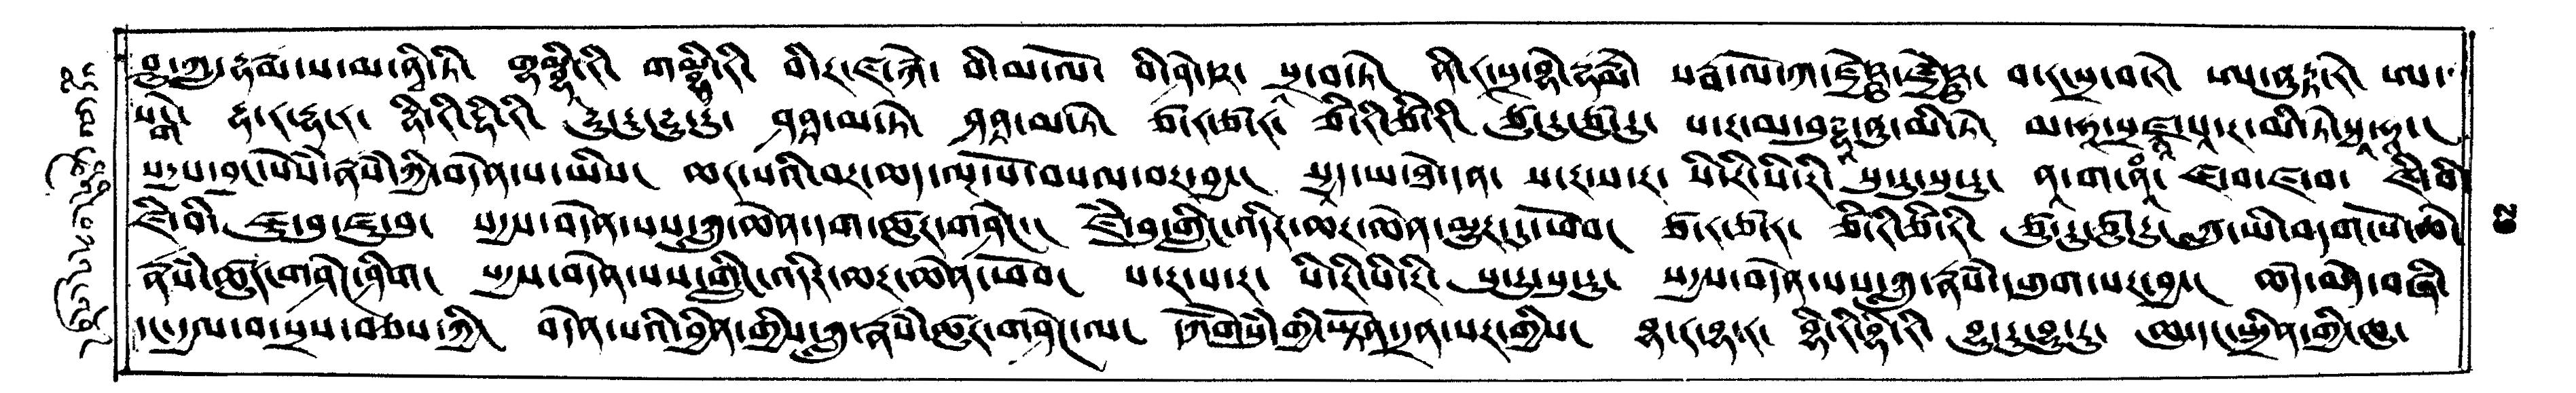ཤུ་ཀླ་དྷརྨ་ས་མ་ནྭི་ཏི། གྷམྦྷི་རི། གམྦྷྀ་རི། བི་ར་ཛ་སྐེ། བི་མ་ལོ། བི་ཤེ་ར། པྲཱའ་བ་ཏེ། ནི་རཱ་པྲ་བྷེ་དྷརྨེ། སརྦ་ལོ་ཀ་ཛྱེཥྛ་ཛྱེཥྛ། བ་ར་པྲ་བ་རེ། ཨ་ནུཏྟ་རེ། ཨ་
སངྒེ། དྷ་ར་དྷ་ར། དྷི་རི་དྷི་རི། དྷུ་རུ་དྷུ་རུ། ཤནྟ་མ་ཏེ། ཤནྟ་མ་ཏེ། ཙ་ར་ཙ་ར། ཙི་རི་ཙི་རི། ཙུ་རུ་ཙུ་རུ། ས་ར་མ་བུདྡྷ་ནུ་མི་ཏེ། མ་ཧཱ་པྲཛྙཱ་པཱ་ར་མི་ཏེ་སྭ་ཧཱ། 
སངས་རྒྱས་བྱང་སེམས་རྣམས་ཀྱི་བདེན་པ་ཡིས། ཆར་པའི་བར་ཆད་ལྔ་པོ་བསལ་བར་བྱ། སདྱ་ཡ་ཐེ་དན། ས་ར་ས་ར། སི་རི་སི་རི། སུ་རུ་སུ་སུ། ནཱ་ག་ནཱཾ། ཛ་བ་ཛ་བ། ཛི་བི་
ཛི་བྀ། ཛུ་བུ་ཛུ་བུ། སངས་རྒྱས་བདེན་པས་ཀླུ་ཆེན་དག་ཚུར་གཤེགས། འཛམ་བུ་གླིང་འདིར་ཆར་ཆེན་མྱུར་དུ་ཕོབ། ཙ་ར་ཙ་ར། ཙི་རི་ཙི་རི། ཙུ་རུ་ཙུ་རུ།ཀླུ་ཡི་བདག་པོ་ཆེ་
རྣམས་ཚུར་གཤེགས་ཤིག །སངས་རྒྱས་བདེན་པས་གླིང་འདིར་ཆར་ཆེན་ཕོབ། ས་ར་ས་ར། སི་རི་སི་རི། སུ་རུ་སུ་རུ། སངས་རྒྱས་བདེན་པས་ཀླུ་རྣམས་དགུག་པར་བྱ། །ཚད་མེད་བཞི་
དང་རྒྱལ་བ་སྲས་བཅས་ཀྱི། །བདེན་པའི་བྱིན་གྱིས་ཀླུ་རྣམས་ཚུར་གཤེགས་ལ། །དཀོན་མཆོག་གསུམ་གྱི་ཡོན་ཏན་དྲན་པར་གྱིས། བྷ་ར་བྷ་ར། བྷི་རི་བྷི་རི། བྷུ་རུ་བྷུ་རུ། ཆུ་དང་སྤྲིན་གྱི་ཆུ།